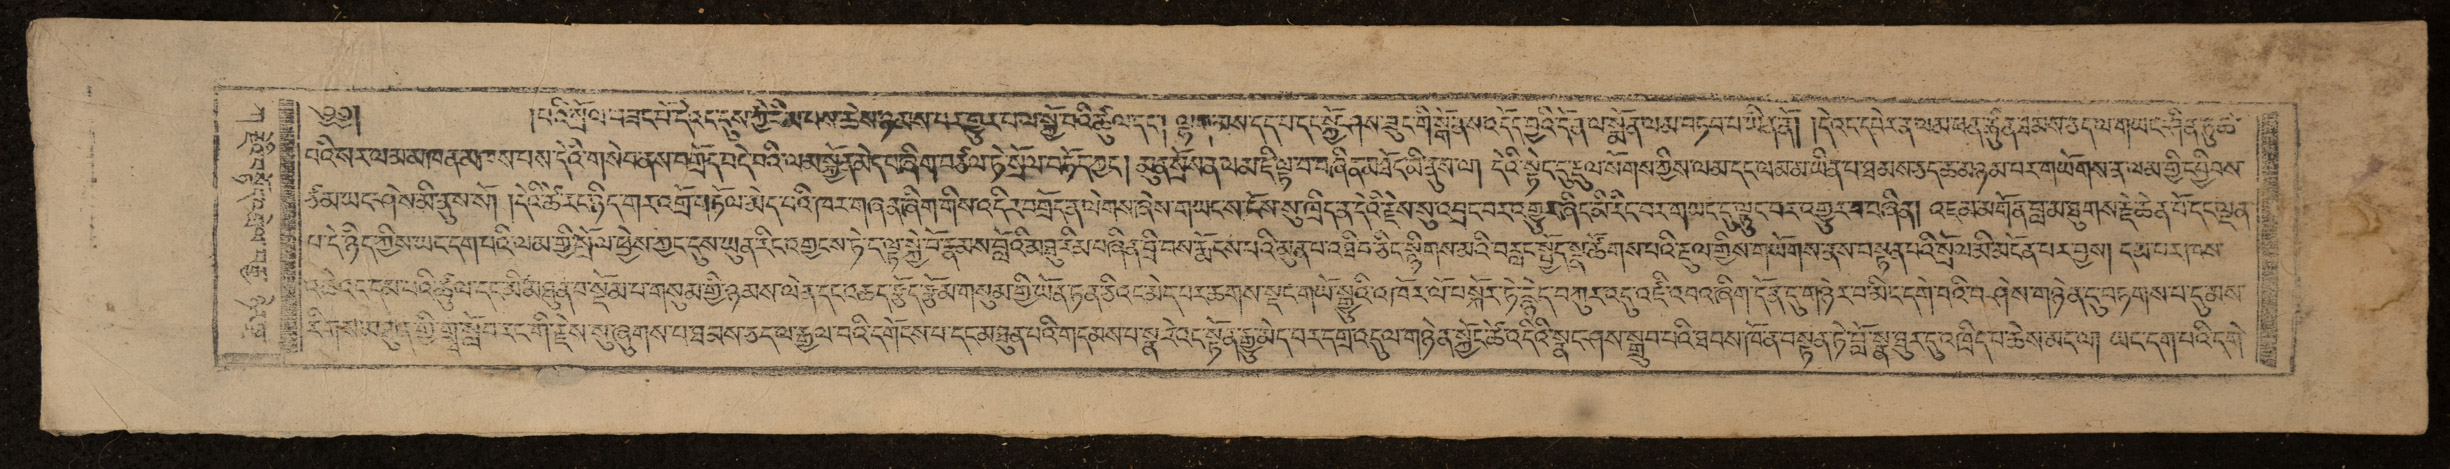༄༅། །པའི་སྲོལ་བཟང་པོ་དེའང་དུས་ཀྱི་རིམ་པས་ཆེས་ཉམས་པར་གྱུར་པ་ལ་སྐྱོ་བའི་ཚུལ་དང་། ལྷག་མས་དད་བ་དང་སྐྱོ་ཤས་ཟུང་གི་སྒོ་ནས་འདོད་བྱའི་དོན་ལ་སྨོན་ལམ་བཏབ་པ་ཡིན་ནོ། །དེའང་དཔེར་ན་ལམ་ཕན་ཚུན་ཐམས་ཅད་ལ་གཡང་ཤིན་ཏུ་ཆེ་
བའི་སར་ལམ་མཁན་མཁས་པས་དེའི་གསེབ་ནས་བགྲོད་བདེ་བའི་ལམ་སྐྱོན་མེད་པ་ཞིག་བཙལ་ཏེ་སྲོལ་བཏོད་ཀྱང་། མུན་སྲོས་ན་ལམ་ཇི་ལྟ་བ་བཞིན་མཐོང་མི་ནུས་ལ། དེའི་སྟེང་དུ་རྡུལ་སོགས་ཀྱིས་ལམ་དང་ལམ་མ་ཡིན་པ་ཐམས་ཅད་ཆ་མཉམ་པར་གཡོགས་ན་ལམ་གྱི་དབྱིངས་
ཙམ་ཡང་ཤེས་མི་ནུས་སོ། །དེའི་ཚེ་རང་ཉིད་གར་འགྲོ་གཏོལ་མེད་བའི་ཁར་གཞན་ཞིག་གིས་འདིར་བགྲོད་ན་ལེགས་ཞེས་གཡངས་ངོས་སུ་ཁྲིད་ན་དེའི་རྗེས་སུ་འབྲང་བར་འགྱུར་ཞིང་མི་རིང་བར་གཡང་དུ་ལྟུང་བར་འགྱུར་བ་བཞིན། འཇམ་མགོན་བླ་མ་ཐུགས་རྗེ་ཆེན་པོ་དང་ལྡན་
པ་དེ་ཉིད་ཀྱིས་ཡང་དག་པའི་ལམ་གྱི་སྲོལ་ཕྱེས་ཀྱང་དུས་ཡུན་རིང་འགྱངས་ཏེ་ད་ལྟ་སྐྱེ་བོ་རྣམས་བློའི་མཐུ་རིམ་བཞིན་བྲི་བས་རྨོངས་བའི་མུན་བ་འཐིབ་ཅིང་སྙིགས་མའི་བརླང་སྤྱོད་སྣ་ཚོགས་པའི་རྡུལ་གྱིས་གཡོགས་ནས་བསྟན་པའི་སྲོལ་མི་མངོན་པར་བྱས། དམ་པར་ཁས་
འཆེའང་དམ་པའི་ཚུལ་དང་མི་མཐུན་པ་སྡོམ་པ་གསུམ་གྱི་ཉམས་ལེན་དཔའ་ཆད་རྩོད་རྩོམ་གསུམ་གྱི་ཡོན་ཏན་ཅིའང་མེད་པར་ཆགས་སྡང་གཡོ་སྒྱུའི་འཁོར་ལོ་བསྐོར་ཏེ་རྙེད་བཀུར་འདུ་འཛི་འབའ་ཞིག་དོན་དུ་གཉེར་བ་མིང་དགེ་བའི་བཤེས་གཉེན་དུ་བཏགས་པ་དུ་མས་
རིགས་མཐུན་གྱི་སྒྲྭ་སློབ་རང་གི་རྗེས་སུ་ཞུགས་པ་ཐམས་ཅད་ལ་རྒྱལ་བའི་དགོངས་པ་དང་མཐུན་པའི་གདམས་པ་སྣ་རེའང་སྟོན་རྒྱུ་མེད་པར་དགྲ་འདུལ་གཉེན་སྐྱོང་ཚེ་འདིའི་སྣང་ཤས་སྒྲུབ་པའི་ཐབས་ཁོ་ན་བསྟན་ཏེ་བློ་སྣ་ཐུར་དུ་འཁྲིད་པ་ཆེས་མང་ལ། ཡང་དག་པའི་དགེ་